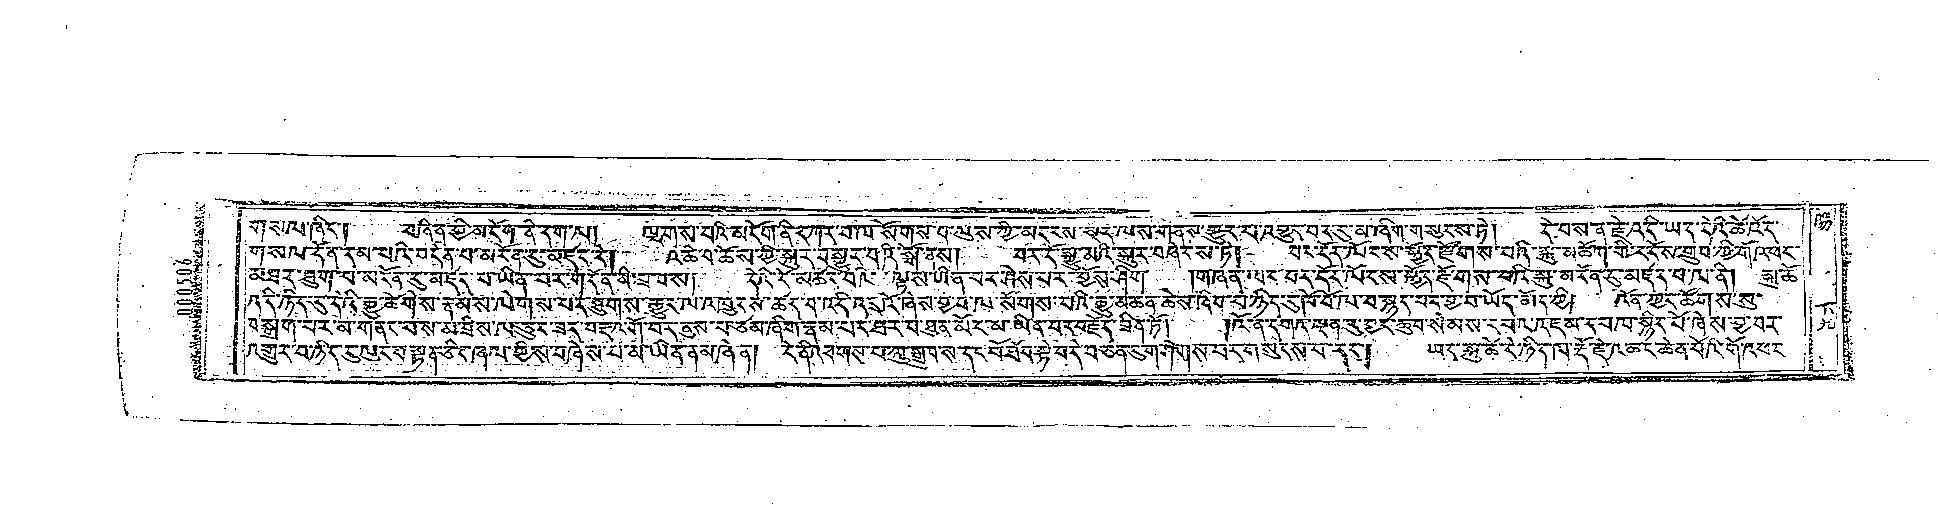གསལ་ཞིང་། བཞིན་གྱི་མདོག་ནི་དག་ལ། ལྤགས་པའི་མདོག་ནི་དཀར་བ་ལ་སོགས་པ་ལུས་ཀྱི་མདངས་སྔར་ལས་གནས་གྱུར་པ་འབྱུང་བར་དུ་མ་ཞིག་གསུངས་ཏེ། དེ་བས་ན་རྗེ་འདི་ཡང་དེའི་ཚེ་འོད་
གསལ་དོན་དམ་པའི་འཛིན་པ་མངོན་དུ་མཛད་དེ། འཆི་བ་ཆོས་ཀྱི་སྐུར་བསྒྱུར་བའི་སྒོ་ནས། བར་ངོ་སྒྱུ་མའི་སྐུར་བཞེངས་ཏེ། བར་དོར་ལོངས་སྤྱོད་རྫོགས་པའི་སྐུ་མཆོག་གི་དངོས་གྲུབ་ཀྱི་གོ་འཕང་
མཐར་ཐུག་པ་མངོན་དུ་མཛད་པ་ཡིན་པར་གདོན་མི་བྲ་བས། དེའི་ངོ་མཚར་བའི་ལྟས་ཡིན་བར་ཤེས་པར་བྱོས་ཤིག །གཞན་ཡང་བར་དོར་ལོངས་སྤྱོད་རྫོགས་པའི་སྐུ་མངོན་དུ་མཛད་པ་ལ་ནི། སྐུ་ཚེ་
འདི་ཉིད་དུ་དེའི་རྒྱུ་ཚོགས་རྣམས་ལེགས་པར་ཐུགས་རྒྱུད་ལ་འཁྲུངས་ཚར་བ་འདི་འདྲའོ་ཞེས་བྱ་བ་ལ་སོགས་པའི་རྒྱུ་མཚན་ཆེས་ཞིབ་པ་ཉིད་དུ་ཁོ་བོ་ལ་བསྙད་པར་བྱ་བ་ཡོད་མོད་ཀྱི། འོན་ཀྱང་ཚོགས་སུ་
བསྒྲག་པར་མ་གནང་བས་མ་བྲིས་ལ་ཅུང་ཟད་བརྡའ་གོ་བར་ནུས་པ་ཙམ་ཞིག་རྣམ་པར་ཐར་པ་ཐུན་མོང་མ་ཡིན་པར་བརྗོད་བྲིན་ཏོ། །འོ་ན་དགའ་ལྡན་དུ་བྱང་ཆུབ་སེམས་དཔའ་འཇམ་དཔལ་སྙིང་པོ་ཞེས་བྱ་བར་
འགྲུར་བ་ཉིད་དུ་ལུང་བསྟན་ཅིང་ཞལ་གྱིས་བཞེས་པ་མ་ཡིན་ནམ་ཞེ་ན། དེ་ནི་འཕགས་པ་ཀླུ་སྒྲུབ་ས་དང་པོ་ཐོབ་སྟེ་བདེ་བ་ཅན་དུ་གཤེགས་བར་གསུངས་པ་དང་། ཡང་སྐུ་ཚེ་དེ་ཉིད་ལ་རྡོ་རྗེ་འཆང་ཆེན་པོའི་གོ་འཕང་